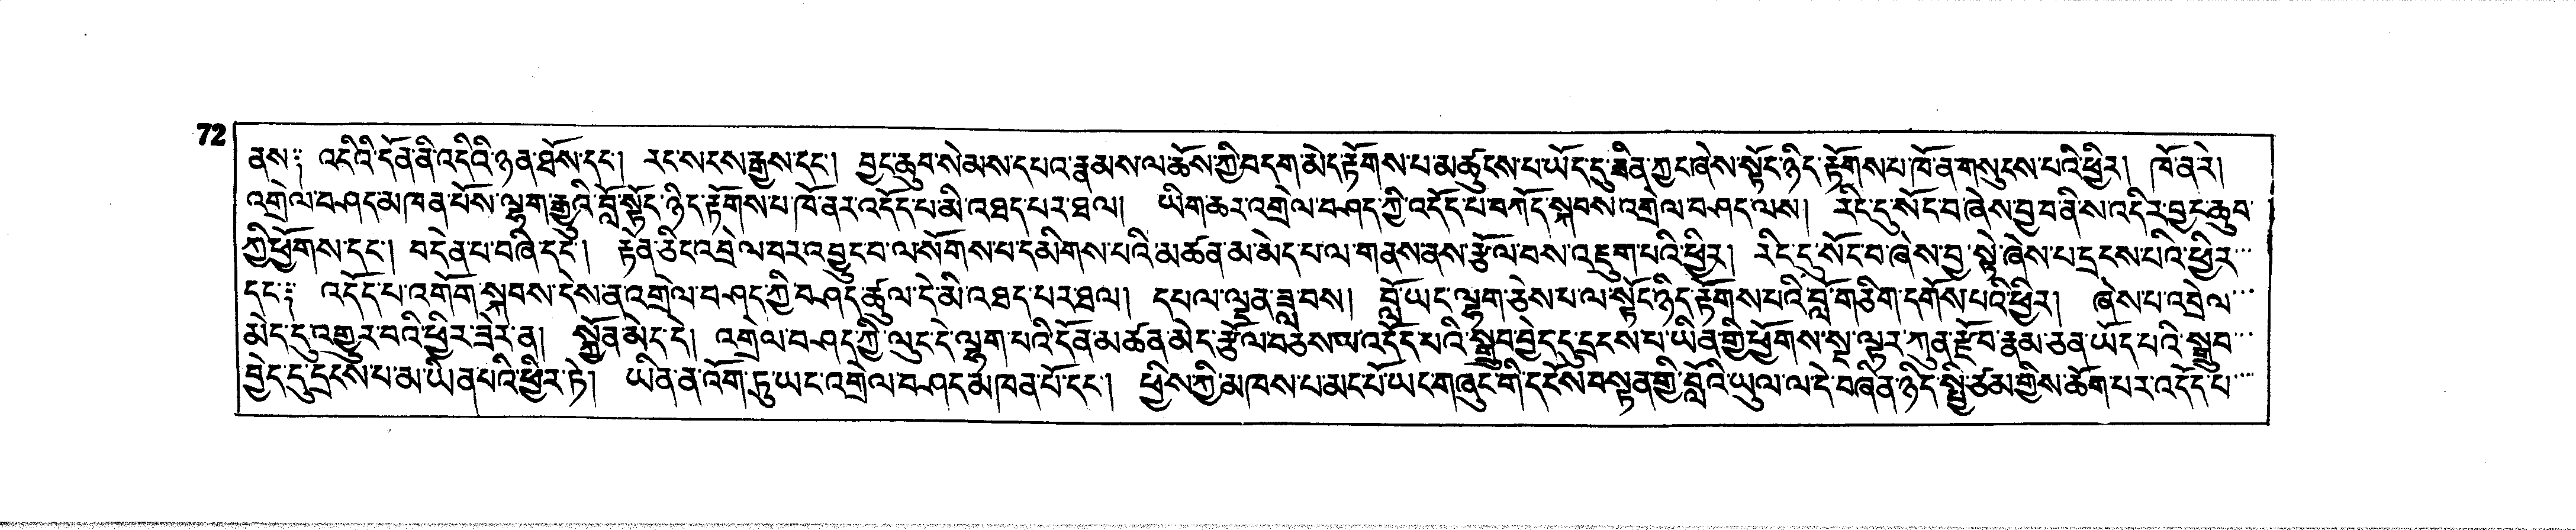ནས༑ འདིའི་དོན་ནི་འདིའི་ཉན་ཐོས་དང་། རང་སངས་རྒྱས་དང་། བྱང་ཆུབ་སེམས་དཔའ་རྣམས་ལ་ཆོས་ཀྱི་བདག་མེད་རྟོགས་པ་མཚུངས་པ་ཡོད་དུ་ཟིན་ཀྱང་ཞེས་སྟོང་ཉིད་རྟོགས་པ་ཁོ་ན་གསུངས་པའི་ཕྱིར། ཁོ་ན་རེ།
འགྲེལ་བཤད་མཁན་པོས་ལྷག་རྒྱུའི་བློ་སྟོང་ཉིད་རྟོགས་པ་ཁོ་ནར་འདོད་པ་མི་འཐད་པར་ཐལ། ཡིག་ཆར་འགྲེལ་བཤད་ཀྱི་འདོད་པ་བཀོད་སྐབས་འགྲེལ་བཤད་ལས། རིང་དུ་སོང་བ་ཞེས་བྱ་བ་ནི་ས་འདིར་བྱང་ཆུབ་
ཀྱི་ཕྱོགས་དང་། བདེན་པ་བཞི་དང་། རྟེན་ཅིང་འབྲེལ་བར་འབྱུང་བ་ལ་སོགས་པ་དམིགས་པའི་མཚན་མ་མེད་པ་ལ་གནས་ནས་རྩོལ་བས་འཇུག་པའི་ཕྱིར། རིང་དུ་སོང་བ་ཞེས་བྱ་སྟེ་ཞེས་པ་དྲངས་པའི་ཕྱིར་
དང་། འདོད་པ་འགོག་སྐབས་དེས་ན་འགྲེལ་བཤད་ཀྱི་བཤད་ཚུལ་དེ་མི་འཐད་པར་ཐལ། དཔལ་ལྡན་ཟླ་བས། བློ་ཡང་ལྷག་ཅེས་པ་ལ་སྟོང་ཉིད་རྟོགས་པའི་བློ་གཅིག་དགོས་པའི་ཕྱིར། ཞེས་པ་འབྲེལ་
མེད་དུ་འགྱུར་བའི་ཕྱིར་ཟེར་ན། སྐྱོན་མེད་དེ། འགྲེལ་བཤད་ཀྱི་ལུང་དེ་ལྷག་པའི་དོན་མཚན་མེད་རྩོལ་བཅས་ལ་འདོད་པའི་སྒྲུབ་བྱེད་དུ་དྲངས་པ་ཡིན་གྱི་ཕྱོགས་སྔ་ལྟར་ཀུན་རྫོབ་རྣམ་ཅན་ཡོད་པའི་སྒྲུབ་
བྱེད་དུ་དྲངས་པ་མ་ཡིན་པའི་ཕྱིར་ཏེ། ཡིན་ན་འོག་ཏུ་ཡང་འགྲེལ་བཤད་མཁན་པོ་དང་། ཕྱིས་ཀྱི་མཁས་པ་མང་པོ་ཡང་གཞུང་གི་དངོས་བསྟན་གྱི་བློའི་ཡུལ་ལ་དེ་བཞིན་ཉིད་སྤྱི་ཙམ་གྱིས་ཆོག་པར་འདོད་པ་